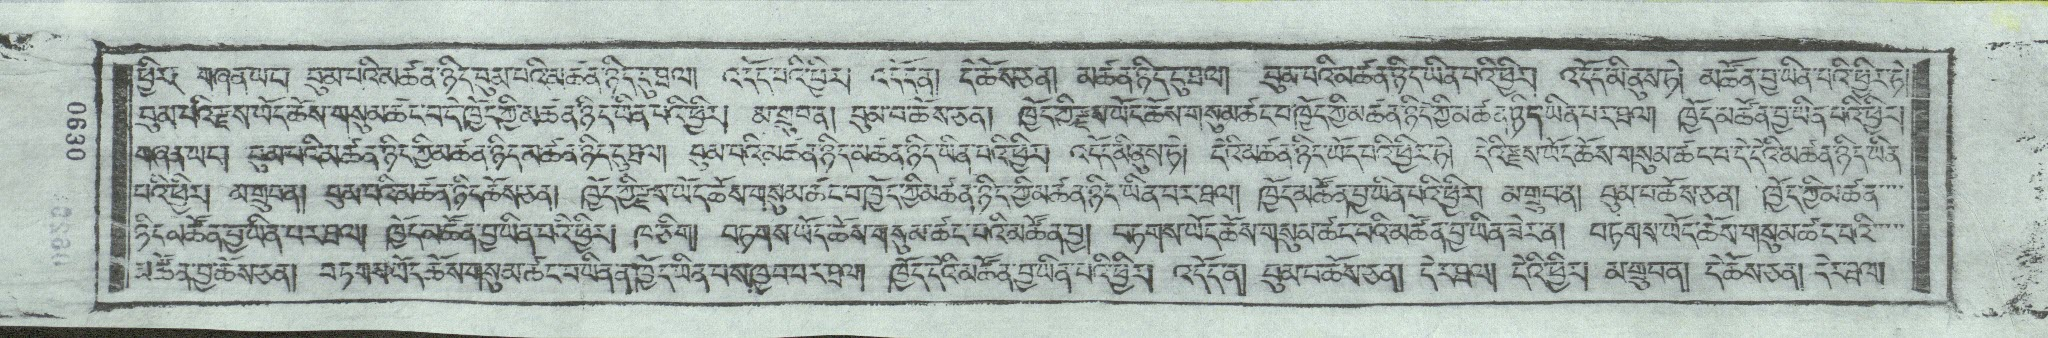ཕྱིར༑ གཞན་ཡང་། བུམ་པའི་མཚན་ཉིད་བུམ་པའི་མཚན་ཉིད་དུ་ཐལ། འདོད་པའི་ཕྱིར། འདོད་ན། དེ་ཆོས་ཅན། མཚན་ཉིད་དུ་ཐལ། བུམ་བའི་མཚན་ཉིད་ཡིན་པའི་ཕྱིར། འདོད་མི་ནུས་ཏེ། མཚོན་བྱ་ཡིན་པའི་ཕྱིར་ཏེ།
བུམ་པའི་རྫས་ཡོད་ཆོས་གསུམ་ཚང་བ་དེ་ཁྱོད་ཀྱི་མཚན་ཉིད་ཡིན་པའི་ཕྱིར། མ་གྲུབ་ན། བུམ་པ་ཆོས་ཅན། ཁྱོད་ཀྱི་རྫས་ཡོད་ཆོས་གསུམ་ཚང་བ་ཁྱོད་ཀྱི་མཚན་ཉིད་ཀྱི་མཚན་ཉིད་ཡིན་པར་ཐལ། ཁྱོད་མཚོན་བྱ་ཡིན་པའི་ཕྱིར།
གཞན་ཡང་། དུམ་པའི་མཚན་ཉིད་ཀྱི་མཚན་ཉིད་མཚན་ཉིད་དུ་ཐལ། བུམ་པའི་མཚན་ཉིད་མཚན་ཉིད་ཡིན་པའི་ཕྱིར། འདོད་མི་ནུས་ཏེ། དེའི་མཚན་ཉིད་ཡོད་པའི་ཕྱིར་ཏེ། དེའི་རྫས་ཡོད་ཆོས་གསུམ་ཚང་བ་དེ་དེའི་མཚན་ཉིད་ཡིན་
པའི་ཕྱིར། མ་གྲུབ་ན། བུམ་པའི་མཚན་ཉིད་ཆོས་ཅན། ཁྱོད་ཀྱི་རྫས་ཡོད་ཆོས་གསུམ་ཚང་བ་ཁྱོད་ཀྱི་མཚན་ཉིད་ཀྱི་མཚན་ཉིད་ཡིན་པར་ཐལ། ཁྱོད་མཚོན་བྱ་ཡིན་པའི་ཕྱིར། མ་གྲུབ་ན། བུམ་པ་ཆོས་ཅན། ཁྱོད་ཀྱི་མཚན་
ཉིད་མཚོན་བྱ་མིན་པར་ཐལ། ཁྱོད་མཚོན་བྱ་ཡིན་པའི་ཕྱིར། ཁ་ཅིག། བཏགས་ཡོད་ཆོས་གསུམ་ཚང་བའི་མཚོན་བྱ། བཏགས་ཡོད་ཆོས་གསུམ་ཚང་བའི་མཚོན་བྱ་ཡིན་ཟེར་ན། བཏགས་ཡོད་ཆོས་གསུམ་ཚང་བའི་
མཚོན་བྱ་ཆོས་ཅན། བཏགས་ཡོད་ཆོས་གསུམ་ཚང་བ་ཡིན་ན་ཁྱོད་ཡིན་པས་ཁྱབ་པར་ཐལ། ཁྱོད་དེའི་མཚོན་བྱ་ཡིན་པའི་ཕྱིར། འདོད་ན། བུམ་པ་ཆོས་ཅན། དེར་ཐལ། དེའི་ཕྱིར། མ་གྲུབ་ན། དེ་ཆོས་ཅན། དེར་ཐལ།